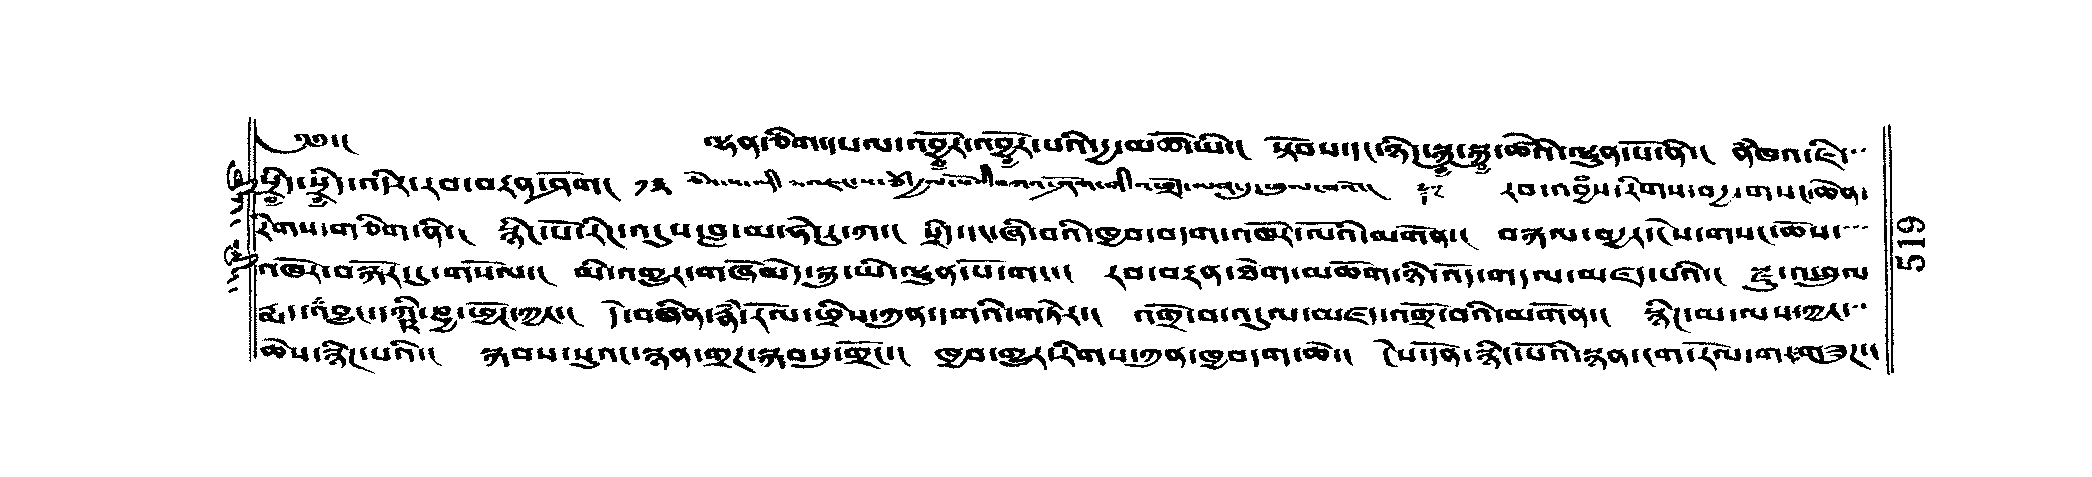།ལྷན་ཅིག་དཔལ་འབྱོར་འབྱོར་པའི་རྒྱ་མཚོ་ཡི། །སྟོབས་དང་ཉིད་སྐུ་སྐུ་ཚེའི་ལྷུན་པོ་ནི། །ནམ་མཁའ་ཇི་
སྲིད་སྲིད་འདིར་རབ་བརྟན་ཤོག། ༡༣ ཅེས་པ་འདི་འཇང་ས་ངམ་རྒྱལ་པོའི་བཀའ་ཤོག་གི་འཕྲོད་ལན་དུ་ཕུལ་བའོ།། ༈ རབ་འབྱམས་རིགས་བརྒྱ་གསང་ཆེན་
རིགས་གཅིག་ནི། །སྙིང་པོ་རིགས་འདུས་བླ་མ་ཧེ་རུ་ཀ །སྲིད་དང་ཞི་བའི་ཁྱབ་བདག་འཁོར་ལོའི་མགོན། །བསྐལ་བརྒྱར་ངེས་གསང་ཆོས་
འཁོར་བསྐོར་དུ་གསོལ། །མི་འགྱུར་གཞོམ་མེད་སྐུ་ཡི་ལྷུན་པོ་གང་། །རབ་བརྟན་ཐེག་མཆོག་ཉི་འོད་གདལ་མཛད་པའི། །རྫུ་འཕྲུལ་
རྨད་བྱུང་དཀྵི་ཎྱ་ཕྱོགས་ཀྱང་། །དེ་བཞིན་རྣམ་རོལ་ཕྲིན་ལས་ཀུན་དགའི་གཏེར། །འགྲོ་བ་འདུལ་མཛད་འགྲོ་བའི་མགོན། །སྙིགས་མ་ལས་ཀྱང་
ཆེས་སྙིགས་པའི། །སྐབས་སུའང་སྙན་གྲགས་སྐབས་གསུམ་གྲོང་། །ཁྱབ་གྱུར་རིགས་ཀུན་ཁྱབ་བདག་ཆེ། །ངེས་དོན་སྙིང་པོའི་སྙན་ངག་རོལ་གར་གཟུགས་